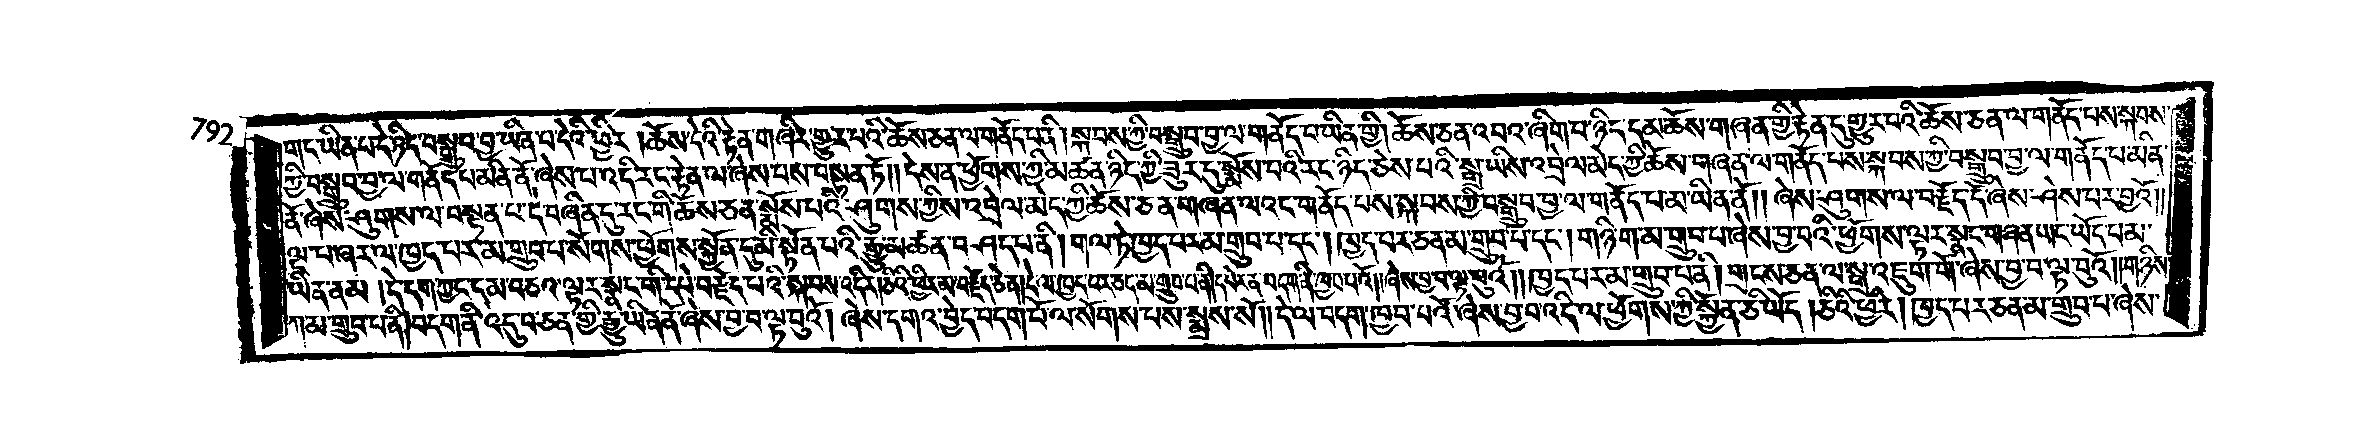གང་ཡིན་པ་དེ་ཉིད་བསྒྲུབ་བྱ་ཡིན་པ་དེའི་ཕྱིར། ཆོས་དེའི་རྟེན་གཞིར་གྱུར་བའི་ཆོས་ཅན་ལ་གནོད་པ་ནི། སྐབས་ཀྱི་བསྒྲུབ་བྱ་ལ་གནོད་པ་ཡིན་གྱི། ཆོས་ཅན་འབའ་ཞིག་པ་ཉིད་དམ་ཆོས་གཞན་གྱི་རྟེན་དུ་གྱུར་བའི་ཆོས་ཅན་ལ་གནོད་པས་སྐབས་
ཀྱི་བསྒྲུབ་བྱ་ལ་གནོད་པ་མིན་ནོ་ཞེས་པ་འདི་རང་རྟེན་ལ་ཞེས་པས་བསྟན་ཏོ། །དེས་ན་ཕྱོགས་ཀྱི་མཚན་ཉིད་ཀྱི་ཟུར་དུ་སྨོས་པའི་རང་ཉིད་ཅེས་པའི་སྒྲ་ཡིས་འབྲེལ་མེད་ཀྱི་ཆོས་གཞན་ལ་གནོད་པས་སྐབས་ཀྱི་བསྒྲུབ་བྱ་ལ་གནོད་པ་མིན་
ནོ་ཞེས་ཤུགས་ལ་བསྟན་པ་དེ་བཞིན་དུ་རང་གི་ཆོས་ཅན་སྨོས་པའི་ཤུགས་ཀྱིས་འབྲེལ་མེད་ཀྱི་ཆོས་ཅན་གཞན་ལའང་གནོད་པས་སྐབས་ཀྱི་བསྒྲུབ་བྱ་ལ་གནོད་པ་མ་ཡིན་ནོ། །ཞེས་ཤུགས་ལ་བརྗོད་དོ་ཞེས་ཤེས་པར་བྱའོ།།
ལྔ་པ་ཞར་ལ་ཁྱད་པར་མ་གྲུབ་པ་སོགས་ཕྱོགས་སྐྱོན་དུ་མི་སྟོན་པའི་རྒྱུ་མཚན་བཤད་པ་ནི། གལ་ཏེ་ཁྱད་པར་མ་གྲུབ་པ་དང་། ཁྱད་པར་ཅན་མ་གྲུབ་པ་དང་། གཉི་ག་མ་གྲུབ་པ་ཞེས་བྱ་བའི་ཕྱོགས་ལྟར་སྣང་གཞན་ཡང་ཡོད་པ་མ་
ཡིན་ནམ། དེ་དག་ཀྱང་དམ་བཅའ་ལྟར་སྣང་གི་དཔེ་བརྗོད་པའི་སྐབས་འདིར། ཅིའི་ཕྱིར་མ་བརྗོད་ཅེ་ན། དེ་ལ་ཁྱད་པར་ཅན་མ་གྲུབ་པ་ནི། དཔེར་ན་བདག་ནི་ཁྱབ་པའོ། །ཞེས་བྱ་བ་ལྟ་བུའོ། །ཁྱད་པར་མ་གྲུབ་པ་ནི། གྲངས་ཅན་ལ་སྒྲ་འཇུག་གོ་ཞེས་བྱ་བ་ལྟ་བུའོ། །གཉིས་
ཀ་མ་གྲུབ་པ་ནི། བདག་ནི་འདུ་བ་ཅན་གྱི་རྒྱུ་ཡིན་ནོ་ཞེས་བྱ་བ་ལྟ་བུའོ། ཞེས་དགའ་བྱེད་བདག་པོ་ལ་སོགས་པས་སྨྲས་སོ། །དེ་ལ་བདག་ཁྱབ་པའོ་ཞེས་བྱ་བ་འདི་ལ་ཕྱོགས་ཀྱི་སྐྱོན་ཅི་ཡོད། ཅིའི་ཕྱིར། ཁྱད་པར་ཅན་མ་གྲུབ་པ་ཞེས་